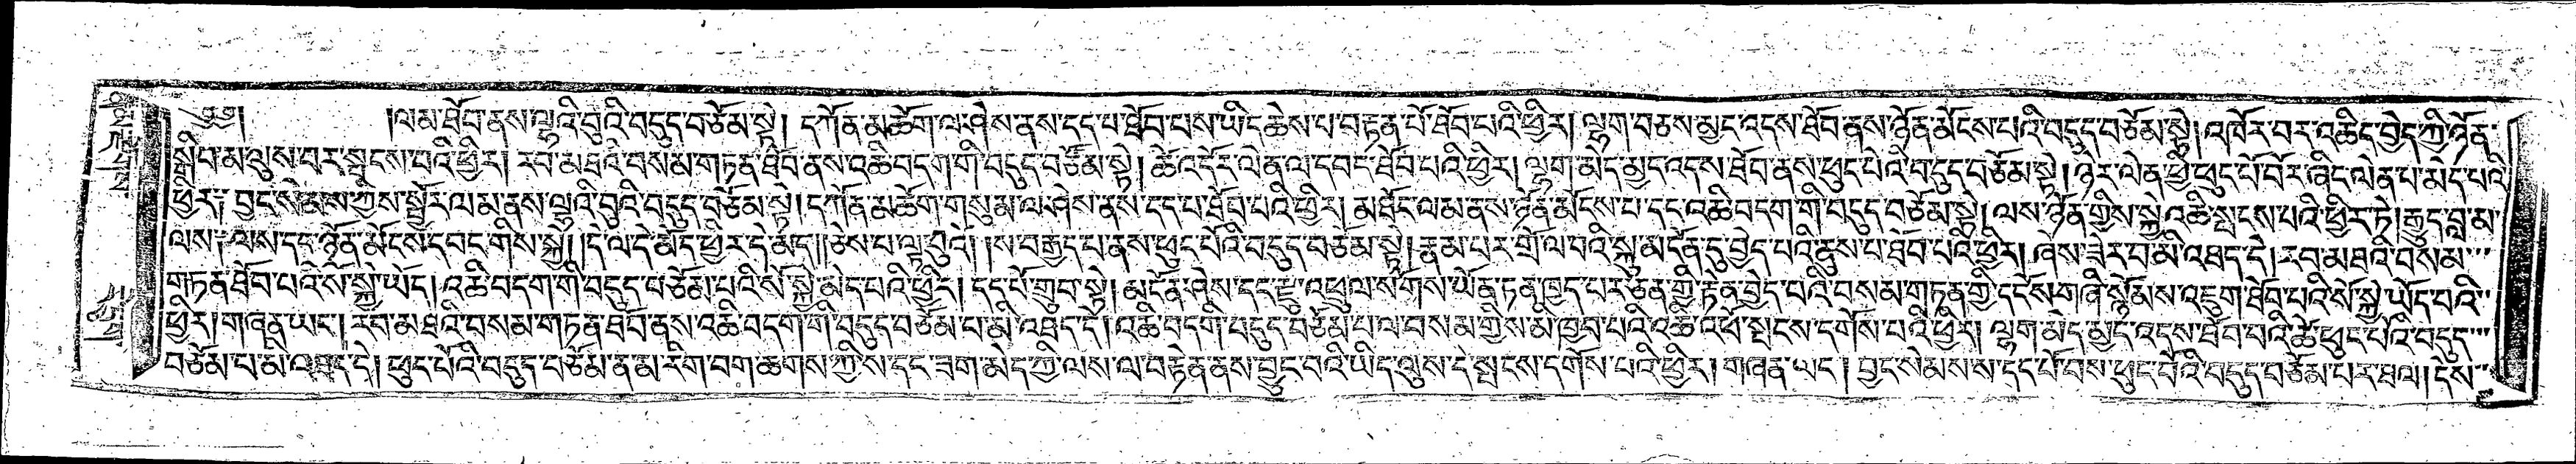༄༅། །ལམ་ཐོབ་ནས་ལྷའི་བུའི་བདུད་བཅོམ་སྟེ། དཀོན་མཆོག་ལ་ཤེས་ནས་དད་པ་ཐོབ་པས་ཡིད་ཆེས་པ་བརྟན་པོ་ཐོབ་པའི་ཕྱིར། ལྷག་བཅས་མྱང་འདས་ཐོབ་ནས་ཉོན་མོངས་པའི་བདུད་བཅོམ་སྟེ། འཁོར་བར་འཆིད་བྱེད་ཀྱི་ཉོན་
སྒྲིབ་མ་ལུས་པར་སྤངས་པའི་ཕྱིར། རབ་མཐའི་བསམ་གཏན་ཐོབ་ནས་འཆི་བདག་གི་བདུད་བཙོམ་སྟེ། ཚེ་འདོར་ལེན་ལ་དབང་ཐོབ་པའི་ཕྱིར། ལྷག་མེད་མྱང་འདས་ཐོབ་ནས་ཕུང་པོའི་བདུད་བཅོམ་སྟེ། ཉེར་ལེན་ཕྱི་ཕུང་པོ་བོར་ཞིང་ལེན་པ་མེད་པའི་
ཕྱིར༑ བྱང་སེམས་ཀྱིས་སྦྱོར་ལམ་ནས་ལྷའི་བུའི་བདུད་བཅོམ་སྟེ། དཀོན་མཆོག་གསུམ་ལ་ཤེས་ནས་དད་པ་ཐོབ་པའི་ཕྱིར། མཐོང་ལམ་ནས་ཉོན་མོངས་པ་དང་འཆི་བདག་གི་བདུད་བཅོམ་སྟེ། ལས་ཉོན་གྱིས་སྐྱེ་འཆི་སྤངས་པའི་ཕྱིར་ཏེ། རྒྱུད་བླ་མ་
ལས༑ ལས་དང་ཉོན་མོངས་དབང་གིས་སྐྱེ། །དེ་ལ་དེ་མོད་ཕྱིར་དེ་མེད། །ཅེས་པ་ལྟ་བུའོ། །ས་བརྒྱད་པ་ནས་ཕུང་པོའི་བདུད་བཅོམ་སྟེ། རྣམ་པར་གྲོལ་བའི་སྐུ་མངོན་དུ་བྱེད་པའི་ནུས་པ་ཐོབ་པའི་ཕྱིར། ཞེས་ཟེར་བ་མི་འཐད་དེ། རབ་མཐའི་བསམ་
གཏན་ཐོབ་པའི་སོ་སྐྱེ་ཡོད། འཆི་བདག་གི་བདུད་བཅོམ་པའི་སོ་སྐྱེ་མེད་པའི་ཕྱིར། དང་པོ་གྲུབ་སྟེ། མངོན་ཤེས་དང་རྫུ་འཕྲུལ་སོགས་ཡོན་ཏན་ཁྱད་པར་ཅན་གྱི་རྟེན་བྱེད་པའི་བསམ་གཏན་གྱི་དངོས་གཞི་སྙོམས་འཇུག་ཐོབ་པའི་སོ་སྐྱེ་ཡོད་པའི་
ཕྱིར། གཞན་ཡང་། རབ་མཐའི་བསམ་གཏན་ཐོབ་ནས་འཆི་བདག་གི་བདུད་བཅོམ་པ་མི་འཐད་དེ། འཆི་བདག་གི་བདུད་བཅོམ་པ་ལ་བསམ་གྱིས་མི་ཁྱབ་པའི་འཆི་འཕོ་སྤངས་དགོས་པའི་ཕྱིར། ལྷག་མེད་མྱང་འདས་ཐོབ་པའི་ཚེ་ཕུང་པོའི་བདུད་
བཅོམ་པ་མི་འཐད་དེ། ཕུང་པོའི་བདུད་བཅོམ་ན་མ་རིག་བག་ཆགས་ཀྱི་ས་དང་ཟག་མེད་ཀྱི་ལས་ལ་བརྟེན་ནས་བྱུང་བའི་ཡིད་ལུས་དེ་སྤངས་དགོས་པའི་ཕྱིར། གཞན་ཡང་། བྱང་སེམས་ས་དང་པོ་བས་ཕུང་པོའི་བདུད་བཅོམ་པར་ཐལ། དེས་